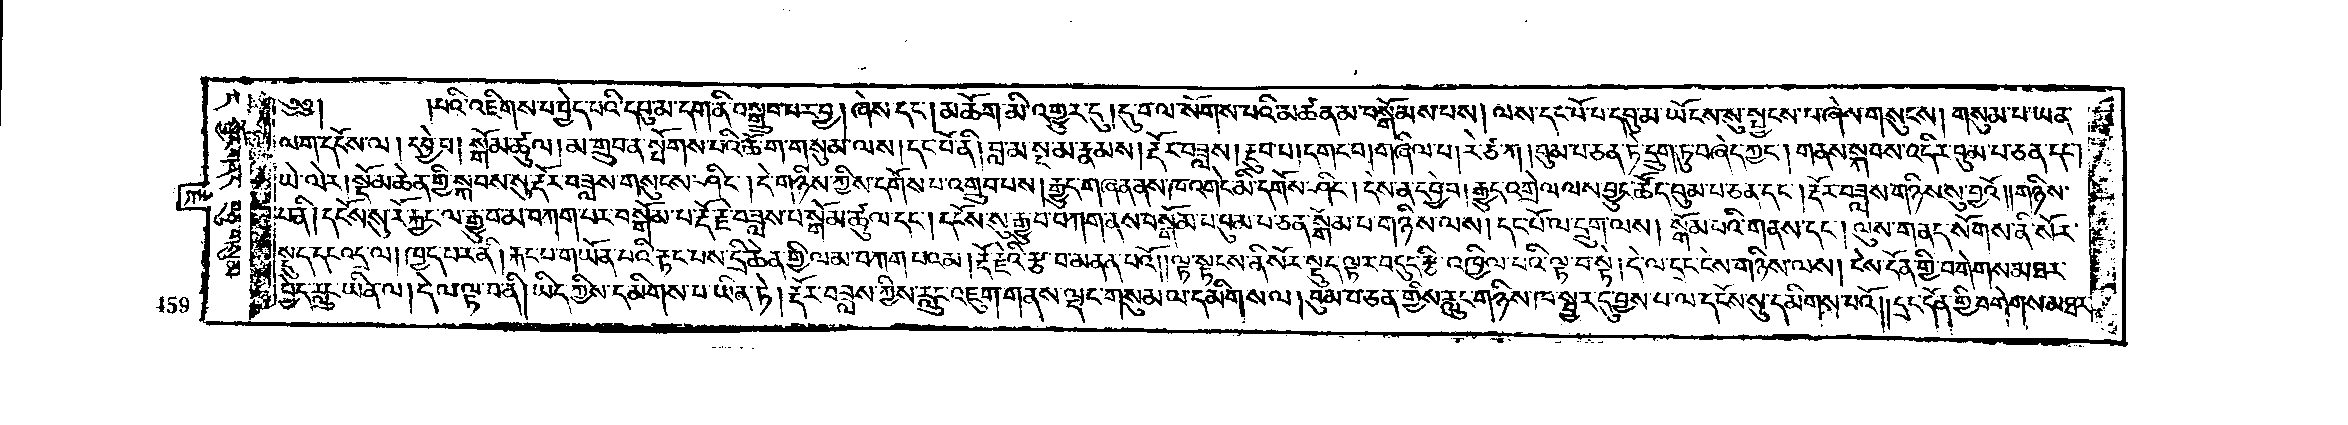༄༅། །པའི་འཇིགས་པ་བྱེད་པའི་དབུ་མ་དག་ནི་བསྒྲུབ་པར་བྱ། ཞེས་དང་། མཆོག་མི་འགྱུར་དུ། དུ་བ་ལ་སོགས་པའི་མཚན་མ་བསྒོམས་པས། ལས་དང་པོ་པ་དབུ་མ་ཡོངས་སུ་སྦྱངས་པ་ཞེས་གསུངས། གསུམ་པ་ཡན་
ལག་དངོས་ལ། དབྱེ་བ། སྒོམ་ཚུལ། མ་གྲུབ་ན་སྤོགས་པའི་ཆོ་ག་གསུམ་ལས། དང་པོ་ནི། བླ་མ་སྔ་མ་རྣམས། རྡོར་བཟླས། རྔུབ་པ། དགང་བ། གཞིལ་པ། རེ་ཙ་ཀ། བུམ་པ་ཅན་ཏེ་དྲུག་ཏུ་བཞེད་ཀྱང་། གནས་སྐབས་འདིར་བུམ་པ་ཅན་དང་།
ཡེ་ལེར། སྡོམ་ཆེན་གྱི་སྐབས་སུ་རྡོར་བཟླས་གསུངས་ཤིང་། དེ་གཉིས་ཀྱིས་དགོས་པ་འགྲུབ་པས། རྒྱུད་གཞན་ནས་ཁ་འགེང་མི་དགོས་ཤིང་། དེས་ན་དབྱེ་བ། རྒྱུད་འགྲེལ་ལས་བྱུང་ཚོད་བུམ་པ་ཅན་དང་། རྡོར་བཟླས་གཉིས་སུ་བྱའོ། །གཉིས་
པ་ནི། དངོས་སུ་རོ་རྐྱང་ལ་རྒྱུ་བ་མ་བཀག་པར་བསྒོམ་པ་རྡོ་རྗེ་བཟླས་པ་སྒོམ་ཚུལ་དང་། དངོས་སུ་རྒྱུ་བ་བཀག་ནས་བསྒོམ་པ་བུམ་པ་ཅན་སྒོམ་པ་གཉིས་ལས། དང་པོ་ལ་དྲུག་ལས། སྒོམ་པའི་གནས་དང་། ལུས་གནད་སོགས་ནི་སོར་
སྡུད་དང་འདྲ་ལ། ཁྱད་པར་ནི། རྐང་པ་གཡོན་པའི་རྟང་པས་དྲི་ཆེན་གྱི་ལམ་བཀག་པའམ། རྡོ་རྗེའི་རྩ་བ་མནན་པའོ། །ལྟ་སྟངས་ནི་སོར་སྡུད་ལྟར་བདུད་རྩི་འཁྱིལ་པའི་ལྟ་བ་སྟེ། དེ་ལ་དྲང་ངེས་གཉིས་ལས། ངེས་དོན་གྱི་བགེགས་མཐར་
བྱེད་རླུང་ཡིན་ལ། དེ་ལ་ལྟ་བ་ནི། ཡིད་ཀྱིས་དམིགས་པ་ཡིན་ཏེ། རྡོར་བཟླས་ཀྱིས་རླུང་འཇུག་གནས་ལྡང་གསུམ་ལ་དམིགས་ལ། བུམ་པ་ཅན་གྱིས་རླུང་གཉིས་ཁ་སྦྱར་དུ་བྱས་པ་ལ་དངོས་སུ་དམིགས་པའོ། །དྲང་དོན་གྱི་བགེགས་མཐར་